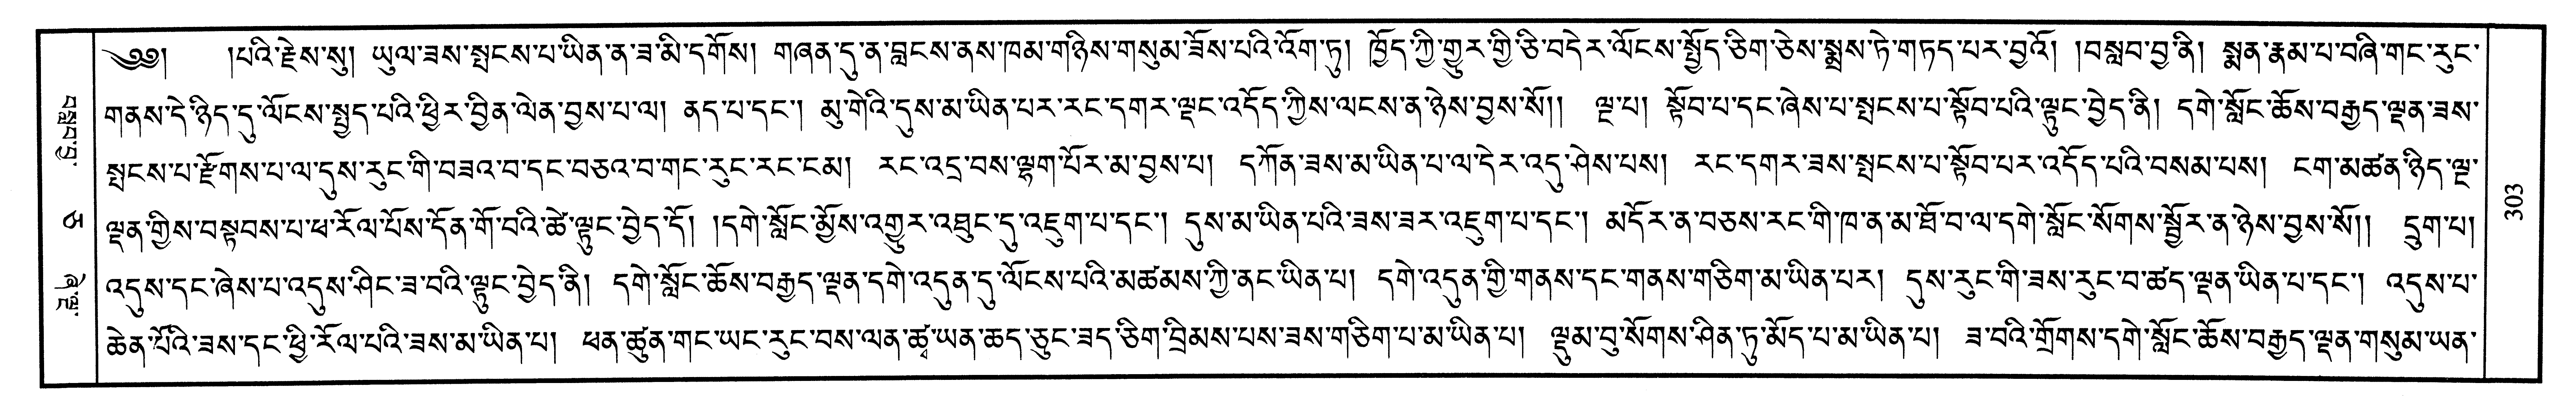༄༅། །པའི་རྗེས་སུ། ཡུལ་ཟས་སྤངས་པ་ཡིན་ན་ཟ་མི་དགོས། གཞན་དུ་ན་བླངས་ནས་ཁམ་གཉིས་གསུམ་ཟོས་པའི་འོག་ཏུ། ཁྱོད་ཀྱི་གྱུར་གྱི་ཅི་བདེར་ལོངས་སྤྱོད་ཅིག་ཅེས་སྨྲས་ཏེ་གཏད་པར་བྱའོ། །བསླབ་བྱ་ནི། སྨན་རྣམ་པ་བཞི་གང་རུང་
གནས་དེ་ཉིད་དུ་ལོངས་སྤྱད་པའི་ཕྱིར་བྱིན་ལེན་བྱས་པ་ལ། ནད་པ་དང་། མུ་གེའི་དུས་མ་ཡིན་པར་རང་དགར་ལྡང་འདོད་ཀྱིས་ལངས་ན་ཉེས་བྱས་སོ།། ལྔ་པ། སྟོབ་པ་དང་ཞེས་པ་སྤངས་པ་སྟོབ་པའི་ལྟུང་བྱེད་ནི། དགེ་སློང་ཆོས་བརྒྱད་ལྡན་ཟས་
སྤངས་པ་རྫོགས་པ་ལ་དུས་རུང་གི་བཟའ་བ་དང་བཅའ་བ་གང་རུང་རང་ངམ། རང་འདྲ་བས་ལྷག་པོར་མ་བྱས་པ། དཀོན་ཟས་མ་ཡིན་པ་ལ་དེར་འདུ་ཤེས་པས། རང་དགར་ཟས་སྤངས་པ་སྟོབ་པར་འདོད་པའི་བསམ་པས། ངག་མཚན་ཉིད་ལྔ་
ལྡན་གྱིས་བསྟབས་པ་ཕ་རོལ་པོས་དོན་གོ་བའི་ཚེ་ལྟུང་བྱེད་དོ། །དགེ་སློང་མྱོས་འགྱུར་འཐུང་དུ་འཇུག་པ་དང་། དུས་མ་ཡིན་པའི་ཟས་ཟར་འཇུག་པ་དང་། མདོར་ན་བཅས་རང་གི་ཁ་ན་མ་ཐོ་བ་ལ་དགེ་སློང་སོགས་སྦྱོར་ན་ཉེས་བྱས་སོ།། དྲུག་པ།
འདུས་དང་ཞེས་པ་འདུས་ཤིང་ཟ་བའི་ལྟུང་བྱེད་ནི། དགེ་སློང་ཆོས་བརྒྱད་ལྡན་དགེ་འདུན་དུ་ལོངས་པའི་མཚམས་ཀྱི་ནང་ཡིན་པ། དགེ་འདུན་གྱི་གནས་དང་གནས་གཅིག་མ་ཡིན་པར། དུས་རུང་གི་ཟས་རུང་བ་ཚད་ལྡན་ཡིན་པ་དང་། འདུས་པ་
ཆེན་པོའི་ཟས་དང་ཕྱི་རོལ་པའི་ཟས་མ་ཡིན་པ། ཕན་ཚུན་གང་ཡང་རུང་བས་ལན་ཚྭ་ཡན་ཆད་ཅུང་ཟད་ཅིག་བྲིམས་པས་ཟས་གཅིག་པ་མ་ཡིན་པ། ལྡུམ་བུ་སོགས་ཤིན་ཏུ་མོད་པ་མ་ཡིན་པ། ཟ་བའི་གྲོགས་དགེ་སློང་ཆོས་བརྒྱད་ལྡན་གསུམ་ཡན་